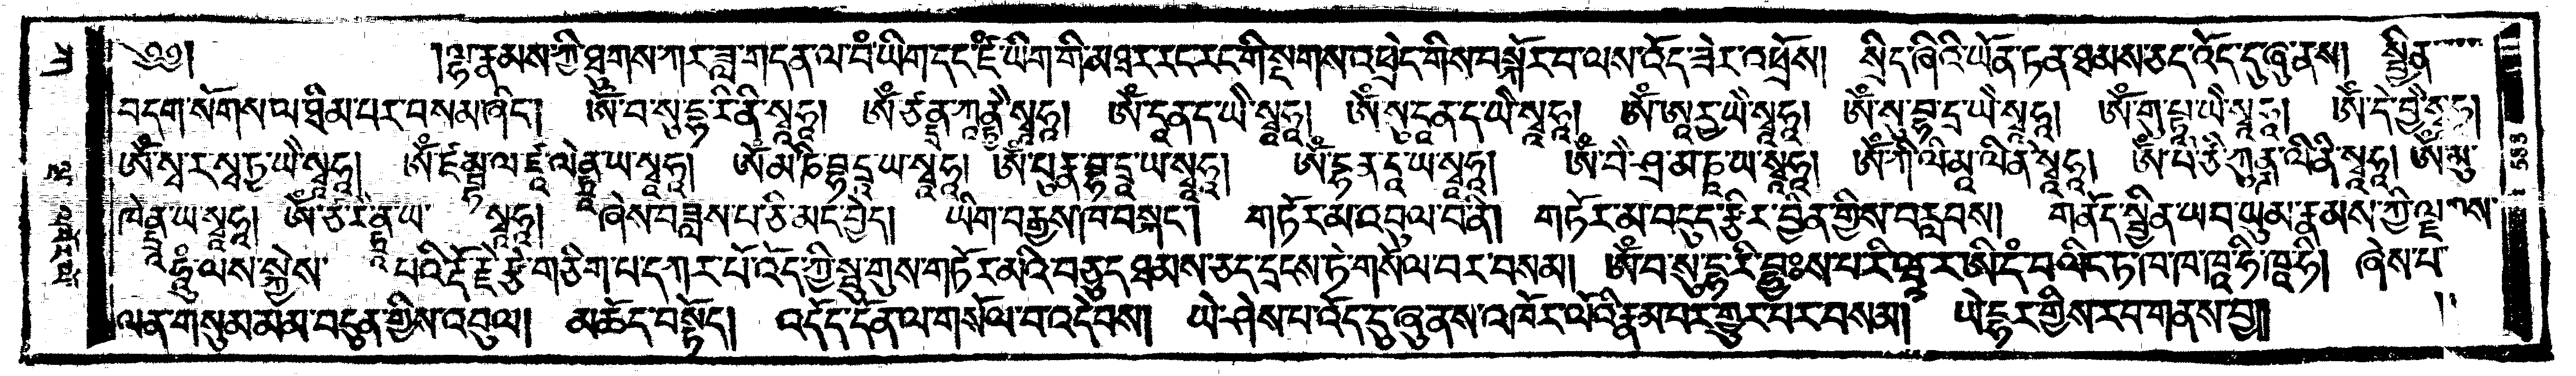༄༅། །ལྷ་རྣམས་ཀྱི་ཐུགས་ཀར་ཟླ་གདན་ལ་བཾ་ཡིག་དང་ཛཾ་ཡིག་གི་མཐར་རང་རང་གི་སྔགས་འཕྲེང་གིས་བསྐོར་བ་ལས་འོད་ཟེར་འཕྲོས། སྲིད་ཞིའི་ཡོན་ཏན་ཐམས་ཅད་འོད་དུ་ཞུ་ནས། སྦྱིན་
བདག་སོགས་ལ་ཐིམ་པར་བསམ་ཞིང་། ཨོཾ་བ་སུ་དྷ་རི་ནི་སྭཱཧཱ། ཨོཾ་ཙནྡྲ་ཀཱནྟྱཻ་སྭཱཧཱ། ཨོཾ་དཱན་ད་ཡི་སྭཱཧཱ། ཨོཾ་སུ་དཱན་ད་ཡཻ་སྭཱཧཱ། ཨོཾ་སུ་བྷ་དྲ་ཡཻ་སྭཱཧཱ། ཨོཾ་གུ་པྟཱ་ཡཻ་སྭཱཧཱ། ཨོཾ་དེ་བྱེད་སྭཱཧཱ།
ཨོཾ་སྭ་ར་སྭཏྱ་ཡཻ་སྭཱཧཱ། ཨོཾ་ཛམྦྷ་ལ་ཛཱ་ལེནྟྲཱ་ཡ་སྭཱཧཱ། ཨོཾ་མ་ཎི་བྷ་དྲཱ་ཡ་སྭཱཧཱ། ཨོཾ་བུརྣ་བྷ་དྲཱ་ཡ་སྭཱཧཱ། ཨོཾ་བཻ་ཤྲ་མ་ཎཱ་ཡ་སྭཱཧཱ། ཨོཾ་ཀི་ལི་མཱ་ལིན་སྭཱཧཱ། ཨོཾ་པ་ཙི་ཀུནྜ་ལི་ནི་སྭཱཧཱ། ཨོཾ་མུ་
ཁོནྡྲཱ་ཡ་སྭཱཧཱ། ཨོཾ་ཙ་རེ་ནྟྲཱ་ཡ་སྭཱཧཱ། ཞེས་བཟླས་པ་ཅི་མད་བྱེད། ཡིག་བརྒྱ་ཁ་བསྐང་། གཏོར་མ་འབུལ་བ་ནི། གཏོར་མ་བདུད་རྩིར་བྱིན་གྱིས་བརླབས། གནོད་སྦྱིན་ཡབ་ཡུམ་རྣམས་ཀྱི་ལྗགས་
ཧཱུཾ་ལས་སྐྱེས་པའི་རྡོ་རྗེ་རྩེ་གཅིག་པ་དཀར་པོ་འོད་ཀྱི་སྦུ་གུས་གཏོར་མའི་བཅུད་ཐམས་ཅད་དྲངས་ཏེ་གསོལ་བར་བསམ། ཨོཾ་བ་སུ་དྷ་རི་བྷྱཿ ས་པ་རི་ཝཱ་ར་ཨི་དཾ་བ་ལིང་ཏ་ཁ་ཁ་ཁཱ་ཧི་ཁཱ་ཧི། ཞེས་པ་
ལན་གསུམ་མམ་བདུན་གྱིས་འབུལ། མཆོད་བསྟོད། འདོད་དོན་ལ་གསོལ་བ་འདེབས། ཡེ་ཤེས་པ་འོད་དུ་ཞུ་ནས་འཁོར་ལོའི་རྣམ་པར་གྱུར་བར་བསམ། ཡེ་དྷར་གྱིས་རབ་གནས་བྱ།། །།